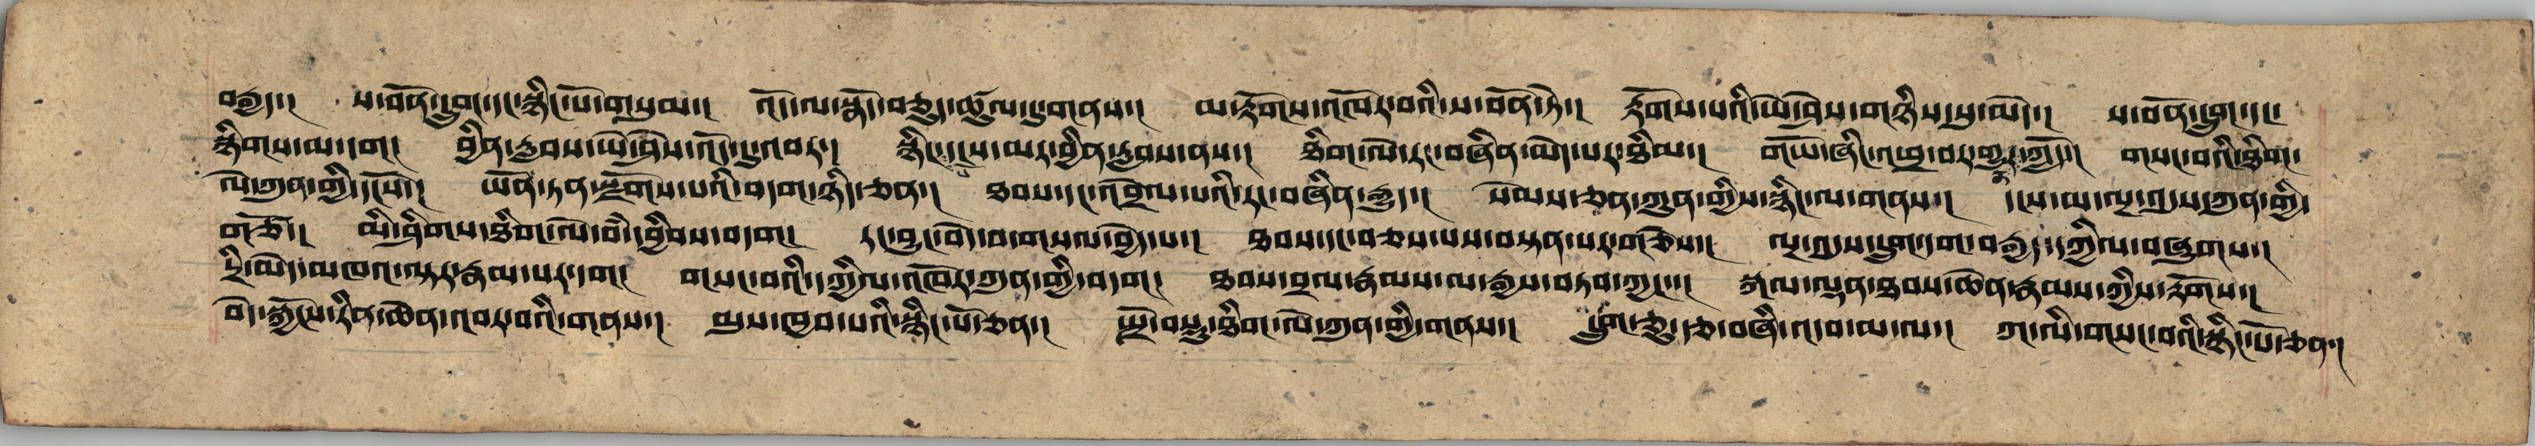བརྒྱད་། ས་བོན་དྲུག་དང་སྙིང་པོ་གསུམ་། འོད་ལ་སྣོད་བཅུད་ཚུལ་དུ་གནས་། མ་རྟོགས་འཁོར་བའི་ས་བོན་ཏེ་། རྟོགས་པའི་ཡེ་ཤེས་གཉིས་སུ་མེད་། ས་བོན་དྲུག་དང་
སྙིགས་མ་དག། བྱིན་རླབས་ཡེ་ཤེས་འོད་དུ་འབར་། སྙིང་པོ་དངས་མར་བྱིན་རླབས་ནས་། ཐིག་ལེ་རང་བཞིན་མེད་པར་ཐིམ་། གཡོ་ཞིང་འཕྲ་བར་གྱུར་ཀློད་། གསང་བའི་ཐིག་
ལེ་ཀུན་གྱི་དངོས་། ཡོན་ཏན་སྫོགས་པའི་བདག་ཉིད་ཅན་། ཐབས་དང་འབྲེལ་པའི་རང་བཞིན་རྒྱུད་། སེམས་ཅན་ཀུན་གྱི་སྙིང་ལ་གནས་། དངས་མ་ལྔ་འདུས་ཀུན་གྱི་
གཙོ་། མི་ཤིགས་ཐིག་ལེ་བཾ་དབྱིབས་བདག། རང་བྱུང་བདེ་བ་གསལ་བྱེད་པ་། ཐབས་དང་བཅས་པས་བསྟན་པར་གཅེས་། ལྔ་འདུས་དྲུག་དག་བརྒྱད་དཀྱིལ་བཞུགས་།
དྲི་མེད་མཁའ་ལྟར་རྣམ་པར་དག། གསང་བའི་དཀྱིལ་འཁོར་ཀུན་གྱི་བདག། ཐབས་བྲལ་རྣམས་ལ་རྒྱས་བཏབ་ཀྱང་་། སྐལ་ལྡན་ཐབས་ཆེན་རྣམས་ཀྱིས་རྟོགས་།
བདེ་སྐྱོངས་རིན་ཆེན་འབར་བའི་གནས་། མུས་ཁྱབ་པའི་སྙིང་པོ་ཅན་། སྤྲོ་བསྡུ་ཐིག་ལེ་ཀུན་གྱི་གནས་། དྲུག་ཅུ་རྩ་བཞི་འདབ་མ་ལ་། ཀ་ལི་གསང་བའི་སྙིང་པོ་ཅན་།